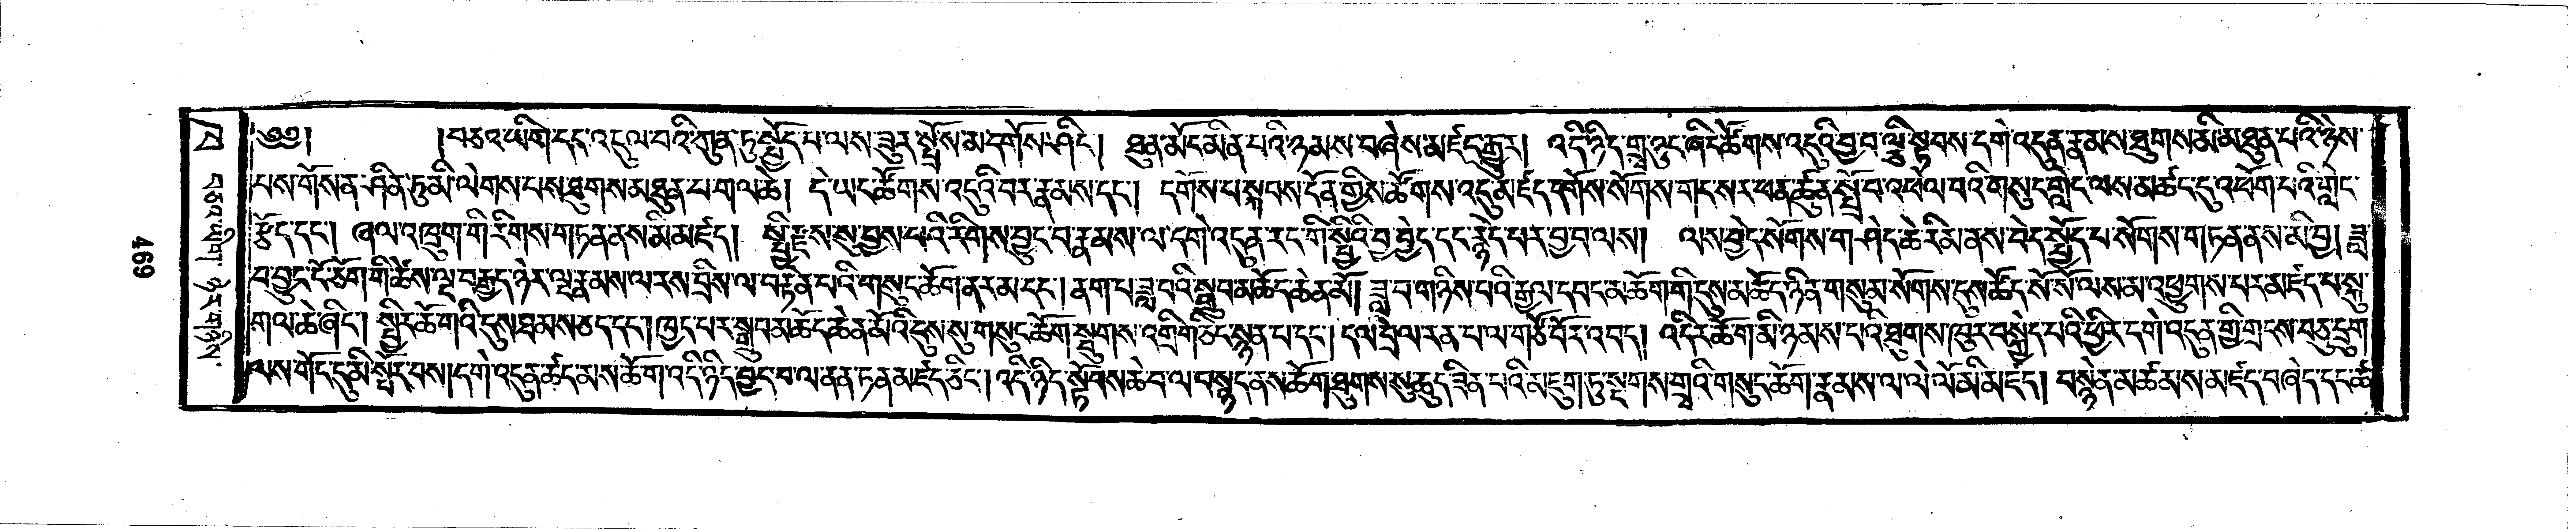༄༅། །བཅའ་ཡིག་དང་འདུལ་བའི་ཀུན་ཏུ་སྤྱོད་པ་ལས་ཟུར་སྤྲོས་མ་དགོས་ཤིང་། ཐུན་མོང་མིན་པའི་ཉམས་བཞེས་མཛད་རྒྱུར། འདི་ཉིད་གྲྭ་ཉུང་ཞིང་ཚོགས་འདུའི་བྱ་བ་ལྕི་སྟབས་དགེ་འདུན་རྣམས་ཐུགས་མི་མཐུན་པའི་ཉེས་
པས་གོས་ན་ཤིན་ཏུ་མི་ལེགས་པས་ཐུགས་མཐུན་པ་གལ་ཆེ། དེ་ཡང་ཚོགས་འདུའི་བར་རྣམས་དང་། དགོས་པ་སྐབས་དོན་གྱིས་ཚོགས་འདུ་མཛད་དགོས་སོགས་གང་སར་ཕན་ཚུན་སྤྲོ་བ་འཕེལ་བའི་གསུང་གླིང་ལས་མཚང་དུ་འཕོག་པའི་གླེང་
རྩོད་དང་། ཞལ་འཁྲུག་གི་རིགས་གཏན་ནས་མི་མཛད། སྤྱི་རྫས་སུ་བྱས་པའི་རིགས་བྱུང་བ་རྣམས་ལ་དགེ་འདུན་རང་གི་སྤྱིའི་བྱ་བྱེད་དང་རྙེད་པར་བྱ་བ་ལས། ལས་བྱེད་སོགས་གཤེད་ཆེ་རིམ་ནས་བདེ་སྤྱོད་པ་སོགས་གཏན་ནས་མི་བྱ། ཟླ་
བ་བྱུང་ངོ་ཅོག་གི་ཚེས་ལྔ་བརྒྱད་ཉེར་ལྔ་རྣམས་ལ་རས་བྲིས་ལ་བརྟེན་པའི་གསུང་ཆོག་ནར་མ་དང་། ནག་པ་ཟླ་བའི་སྒྲུབ་མཆོད་ཆེན་མོ། ཟླ་བ་གཉིས་པའི་རྒྱལ་དབང་མཆོག་གི་དུས་མཆོད་ཉིན་གསུམ་སོགས་དུས་ཚོད་སོ་སོ་ལས་མ་འཕྱུགས་པར་མཛད་པ་སྐུ་
གལ་ཆེ་ཞིང་། སྤྱིར་ཆོ་གའི་དུས་ཐམས་ཅད་དང་། ཁྱད་པར་སྒྲུབ་མཆོད་ཆེན་མོའི་དུས་སུ་གསུང་ཆོག་སྦུགས་འགྲིག་ཅིང་སྙན་པ་དང་། དལ་བྲེལ་རན་པ་ལ་གཙོ་བོར་འབད། འདིར་ཆོ་ག་མི་ཉམས་པའི་ཐུགས་ཁུར་བསྐྱེད་པའི་ཕྱིར་དགེ་འདུན་གྱི་གྲངས་བཅུ་དྲུག་
ལས་གོང་དུ་མི་སྤོར་བས། དགེ་འདུན་ཚང་མས་ཆོ་ག་འདི་ཉིད་བྱད་བ་ལ་ནན་ཏན་མཛད་ཅིང་། འདི་ཉིད་སྟོབས་ཆེ་བ་ལ་བསྙད་ནས་ཆོ་ག་ཐུགས་སུ་ཆུད་ཟིན་པའི་མཇུག་ཏུ་སྔགས་གྲྭའི་གསུང་ཆོག་རྣམས་ལ་ལེ་ལོ་མི་མཛད། བསྙེན་མཚམས་མཛད་བཞེད་དང་ཚ་